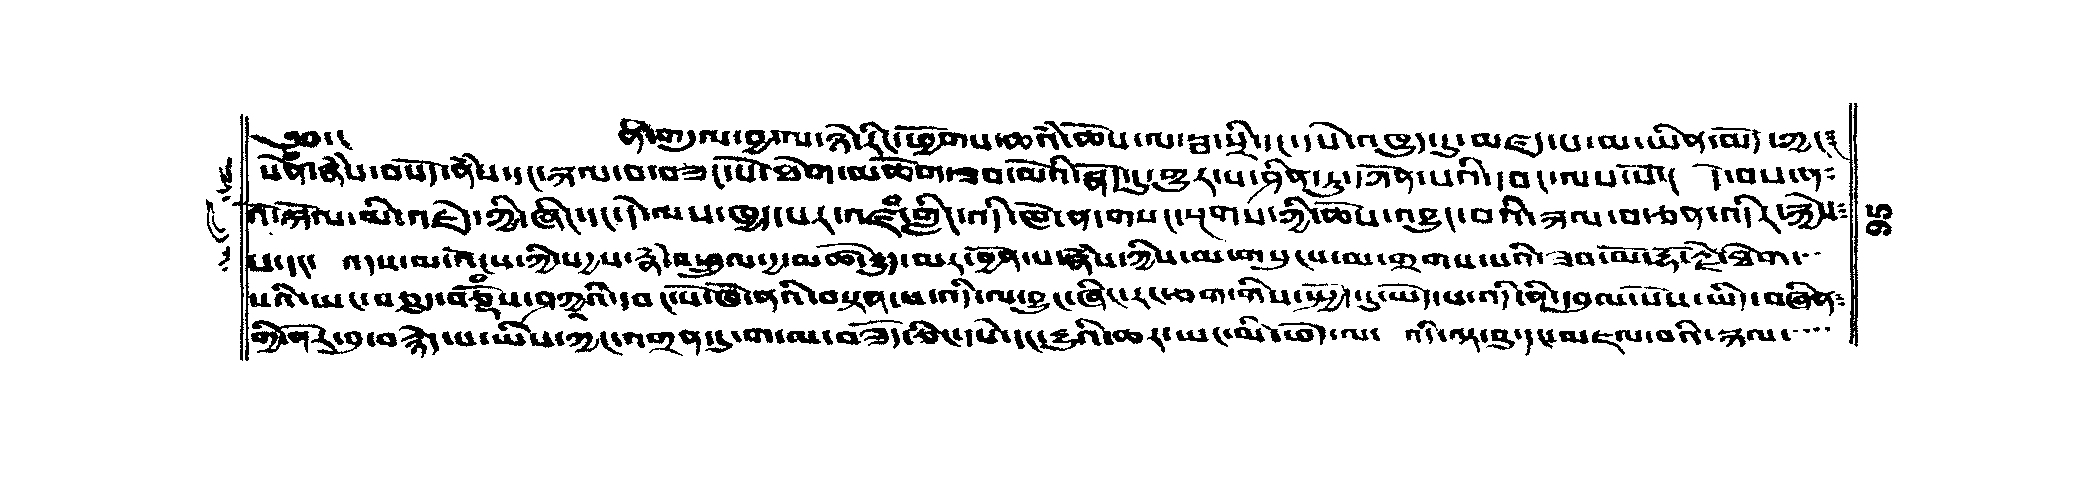ནི་གདུལ་བྱ་ལ་ཉེ་རིང་ཕྱོགས་ཆའམ་ཆོས་ལ་སྦ་སྲི་དང་དཔེ་འཁྱུད་དུ་མཛད་པ་མ་ཡིན་མོད་ཀྱང་། 
སེམས་ཅན་རྣམས་བསོད་ནམས་དང་སྐལ་བ་བཟང་པོ་ཐེག་མཆོག་ཟབ་མོའི་སྣོད་དུ་གྱུར་པ་ཤིན་ཏུ་དཀོན་པའི་དབང་ལས་སོ། དེ་བས་ན་
འོ་སྐལ་མི་འཇེད་ཀྱི་ཞིང་དང་དེ་ལས་ཁྱད་པར་འཛམ་གླིང་འདི་ཁོ་ན་གསང་སྔགས་ཀྱི་ཆོས་འབྱུང་བའི་སྐལ་བ་ཅན་འདིར་སྐྱེས་
པ་དང་། འདས་མ་འོང་ཀྱི་སངས་རྒྱས་རྣམ་འཕྲུལ་རྒྱ་མཚོ་རྒྱུད་མར་བྱིན་པ་རྣམས་ཀྱི་མ་གསུངས་མ་གྲགས་པའི་ཟབ་མོ་རྡོ་རྗེ་ཐེག་
པའི་ཡང་བཅུད་བཅོམ་ལྡན་འདས་ཤཱཀྱའ་དབང་པོ་ཁོ་ནའི་བསྟན་པ་འདི་ལ་བྱུང་ཞིང་རང་ཅག་གིས་སྤྱོད་དུ་ཡོད་པ་འདི་ནི་དབུལ་པོས་ཡིད་བཞིན་
གྱི་ནོར་བུ་བརྙེད་པ་ཡིས་ཀྱང་འགྲན་དུ་ག་ལ་བཟོད་ཅིང་དཔེ་དང་རྒྱུའི་ཆར་ཡང་མི་ཕོད་ལ། འདི་ལྟ་བུ་དང་མཇལ་བའི་སྐལ་